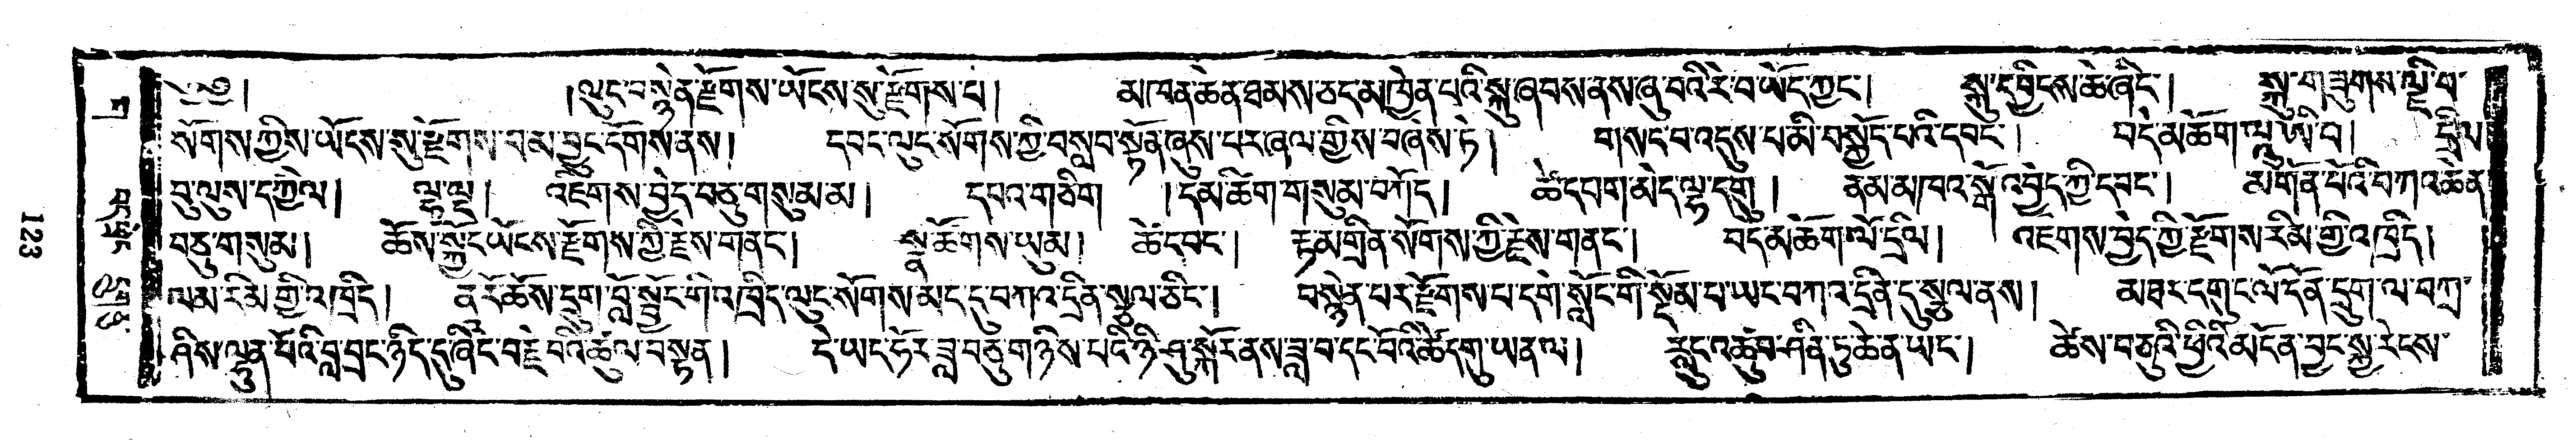༄༅། །ལུང་བསྙེན་རྫོགས་ཡོངས་སུ་རྫོགས་པ། མཁན་ཆེན་ཐམས་ཅད་མཁྱེན་པའི་སྐུ་ཞབས་ནས་ཞུ་བའི་རེ་བ་ཡོད་ཀྱང་། སྐུ་དབྱིངས་ཆེ་ཞིང་། སྐུ་གཟུགས་ལྗི་བ་
སོགས་ཀྱིས་ཡོངས་སུ་རྫོགས་པ་མ་བྱུང་དགོས་ནས། དབང་ལུང་སོགས་ཀྱི་བསླབ་སྟོན་ཞུས་པར་ཞལ་གྱིས་བཞེས་ཏེ། གསང་བ་འདུས་པ་མི་བསྐྱོད་པའི་དབང་། བདེ་མཆོག་ལཱུ་ཨི་བ། དྲིལ་
བུ་ལུས་དཀྱིལ། ལྷ་ལྔ། འཇིགས་བྱེད་བཅུ་གསུམ་མ། དཔའ་གཅིག །དམ་ཚིག་གསུམ་བཀོད། ཚེ་དཔག་མེད་ལྷ་དགུ། ནམ་མཁའ་སྒོ་འབྱེད་ཀྱི་དབང་། མགོན་པོའི་བཀའ་ཆེན་
བཅུ་གསུམ། ཆོས་སྐྱོང་ཡོངས་རྫོགས་ཀྱི་རྗེས་གནང་། སྣ་ཚོགས་ཡུམ། ཚེ་དབང་། རྟ་མགྲིན་སོགས་ཀྱི་རྗེས་གནང་། བདེ་མཆོག་ལོ་དྲིལ། འཇིགས་བྱེད་ཀྱི་རྫོགས་རིམ་གྱི་འཁྲིད།
ལམ་རིམ་གྱི་འཁྲིད། ནཱ་རོ་ཆོས་དྲུག་བློ་སྦྱོང་གི་འཁྲིད་ལུང་སོགས་མང་དུ་བཀའ་དྲིན་སྩལ་ཅིང་། བསྙེན་པར་རྫོགས་པ་དགེ་སློང་གི་སྔོམ་པ་ཡང་བཀའ་དྲིན་དུ་སྩལ་ནས། མཐར་དགུང་ལོ་དོན་དྲུག་ལ་བཀྲ་
ཤིས་ལྷུན་པོའི་བླ་བྲང་ཉིད་དུ་ཞིང་བརྗེ་བའི་ཚུལ་བསྟན། དེ་ཡང་ཧོར་ཟླ་བཅུ་གཉིས་པའི་ཉི་ཤུ་སྐོར་ནས་ཟླ་བ་དང་པོའི་ཚེ་དགུ་ཡན་ལ། རླུང་འཚུབ་ཤིན་ཏུ་ཆེན་ཡང་། ཚེས་བཅུའི་ཕྱིའི་མངོན་བྱང་སྐྱ་རེངས་